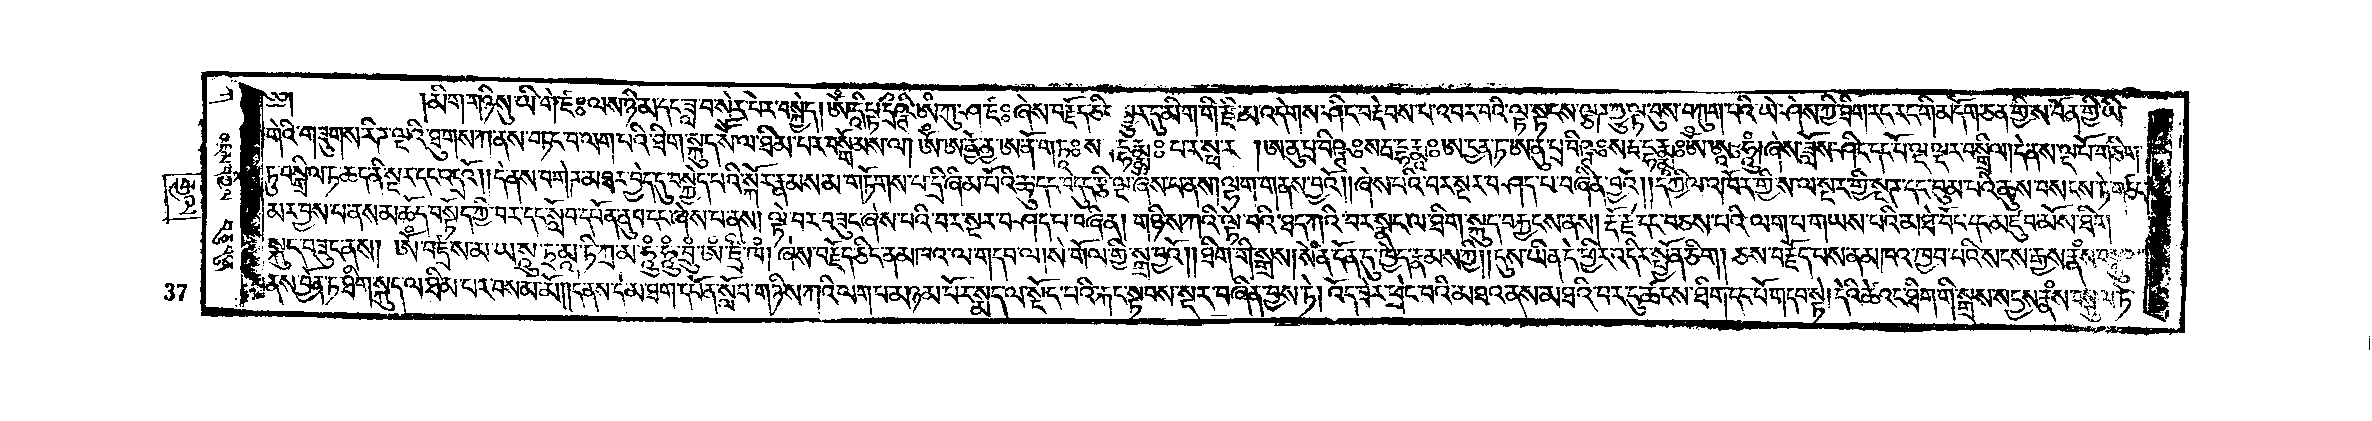༄༅། །མིག་གཉིས་སུ་ཡི་གེ་ཛཿ ལས་ཉི་མ་དང་ཟླ་བ་སེར་པོར་བསྐྱེད། ཨོཾ་དཱི་པྟ་དྲྀཥྚི་ཨཾ་ཀུ་ཤ་ཛཿ ཞེས་བརྗོད་ཅིང་མྱུར་དུ་མིག་གི་རྫི་མ་འདེགས་ཤིང་བརྡེབས་པ་འབར་བའི་ལྟ་སྟངས་ལྕགས་ཀྱུ་ལྟ་བུས་བཀུག་པའི་ཡེ་ཤེས་ཀྱི་ཐིག་རང་རང་གི་མདོག་ཅན་གྱི་ས་བོན་གྱི་ཡི་
གེའི་གཟུགས་རིགས་ལྔའི་ཐུགས་ཀ་ནས་བཏང་བ་ལག་པའི་ཐིག་སྐུད་སཽ་ལ་ཐིམ་པར་བསྒོམས་ལ། ཨོཾ་ཨ་ནཡོ་ནཡ་ཨ་ནོ་ག་ཏཱཿ སརབ་དྷརྨྨཱཿ པར་སྥ་ར། ཨ་ནུ་པྲ་བིཥྚཿ སརབ་དྷརམཱཿ ཨ་ངྱན་ཏ་ཨ་ནུ་པྲ་བིཥྚཿ སརབ་དྷརམྨཱཿ ཨོཾ་ཨཱཿ ཧཱུཾ། ཞེས་ཟློས་ཤིང་དང་པོ་ལྔ་ལྔར་བསྒྲིལ། དེ་ནས་ལྔ་པོ་གཅིག་
ཏུ་བསྒྲིལ་ཏ་ཆད་ནི་སྔར་དང་འདྲའོ། །དེ་ནས་བགེགས་མཐར་བྱེད་དུ་བསྐྱེད་པའི་སྐོར་རྣམས་མ་གཏོགས་པ་དྲི་ཞིམ་པོའི་ཆུ་དང་བདུད་རྩི་ལྔ་ཞེས་པ་ནས། ལྷག་གནས་བྱའོ། །ཞེས་པའི་བར་སྔར་བཤད་པ་བཞིན་བྱའོ། །དཀྱིལ་འཁོར་གྱི་ས་ལ་སྔར་གྱི་སྔགས་དང་བུམ་པའི་ཆུས་བསངས་ཏེ་གཙང་
མར་བྱས་པ་ནས་མཆོད་བསྟོད་ཀྱི་བར་དང་སློབ་དཔོན་ནུབ་དང་ཞེས་པ་ནས། ལྟེ་བར་བཟུང་ཞེས་པའི་བར་སྔར་བཤད་པ་བཞིན། གཉིས་ཀའི་ལྟེ་བའི་ཐད་ཀའི་བར་སྣང་ལ་ཐིག་སྐུད་བརྐྱངས་ནས། རྡོ་རྗེ་དང་བཅས་པའི་ལག་པ་གཡས་པའི་མཐེ་བོང་དང་མཛུབ་མོས་ཐིག་
སྐུད་བཟུང་ནས། ཨོཾ་བཛྲ་ས་མ་ཡ་སཱུ་ཏྲ་མཱ་ཏི་ཀྲ་མ་ཧཱུཾ་ཧཱུཾ་བྲུཾ་ཨཾ་ཛྲི་ཁཾ། ཞེས་བརྗོད་ཅིང་ནམ་མཁའ་ལ་གདབ་ལ། སེ་གོལ་གྱི་སྒྲ་བྱའོ། །ཐིག་གི་སྒྲས། སེཾནི?་དོན་དུ་ཁྱེད་རྣམས་ཀྱི། །དུས་ཡིན་དེ་ཕྱིར་འདིར་སྤྱོན་ཅིག །ཅེས་བརྗོད་པས་ནམ་མཁའ་ཁྱབ་པའི་སངས་རྒྱས་རྣམས་བསྐུལ་
ནས་བྱོན་ཏ་ཐིག་སྐུད་ལ་ཐིམ་པར་བསམ་མོ། །དེ་ནས་དེ་མ་ཐག་དཔོན་སློབ་གཉིས་ཀའི་ལག་པ་མཉམ་པོར་སྨད་ལ་སྔོད་པའི་རྐང་སྟབས་སྔར་བཞིན་བྱས་ཏེ། འོད་ཟེར་ཕྲེང་བའི་མཐའ་ནས་མཐའི་བར་དུ་ཚངས་ཐིག་དང་པོ་གདབ་སྟེ། དེའི་ཚེའང་ཐིག་གི་སྒྲས་སངས་རྒྱས་རྣམས་བསྐུལ་ཏེ་